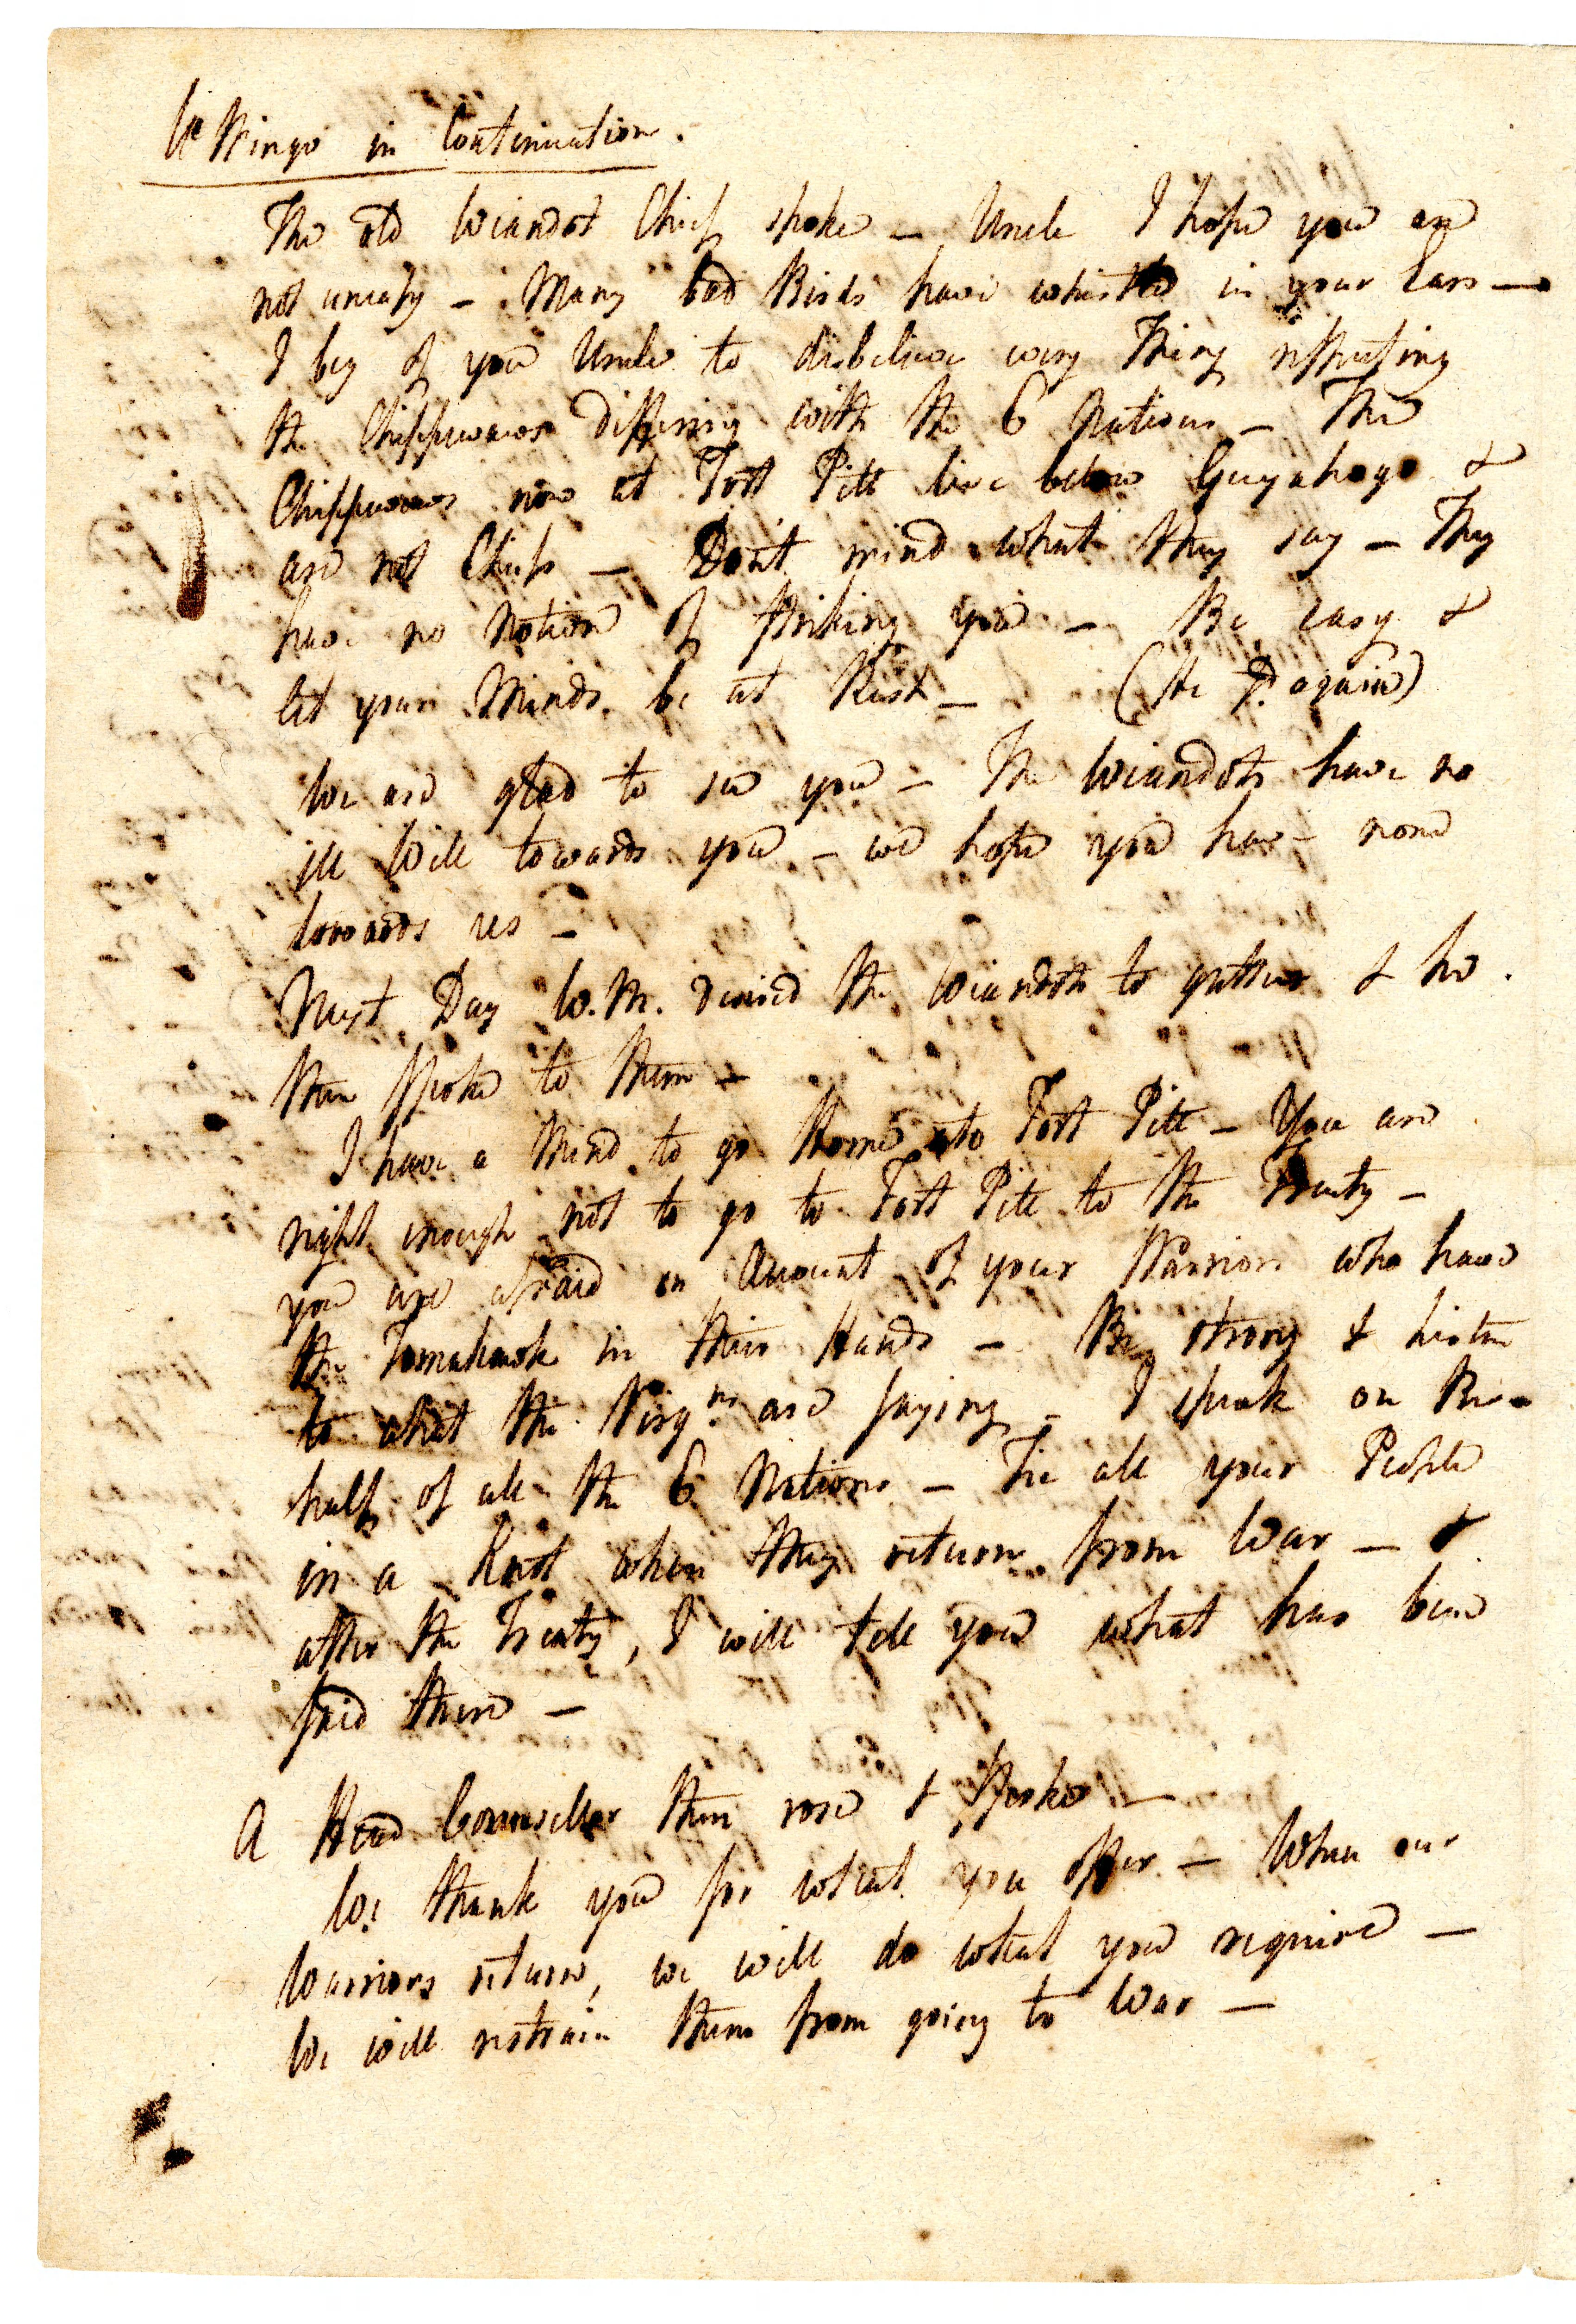W Mingo in Continuation.
The old Wiandot Chief spoke- Uncle I hope you are
not uneasy- Many bad Birds have whistled in your Ears-
I beg of you Uncle to disbelieve every Thing respecting
the Chippewaws differing with the 6 Nations- The
Chippewaws now at Fort Pitt live below Cuyahoga &
are not Chiefs- Don't mind what they say- They
have no notion of striking you- Be easy &
let your Minds be at Rest- (He sd. again)
we are glad to see you- The Wiandots have no
ill will towards you- We hope you have none
towards us-
Next Day W.M. desired the Wiandots to gather & he
there Spoke to them-.
I have a Mind to go Home to Fort Pitt- You are
right enough not to go to Fort Pitt to the Treaty-
you are afraid on Account of your Warriors who have
the Tomahawk in their Hands- Be strong & Listen
to what the Virg^nas. are saying- I speak on Be-
half of all the 6 Nations- Tie all your People
in a Knot when they return from War- &
after the Treaty, I will tell you what has been
said then-
A Head Counsellor then rose & spoke-
We thank you for what you offer- When our
Warriors return, we will do what you require-
We will restrain them from going to War-